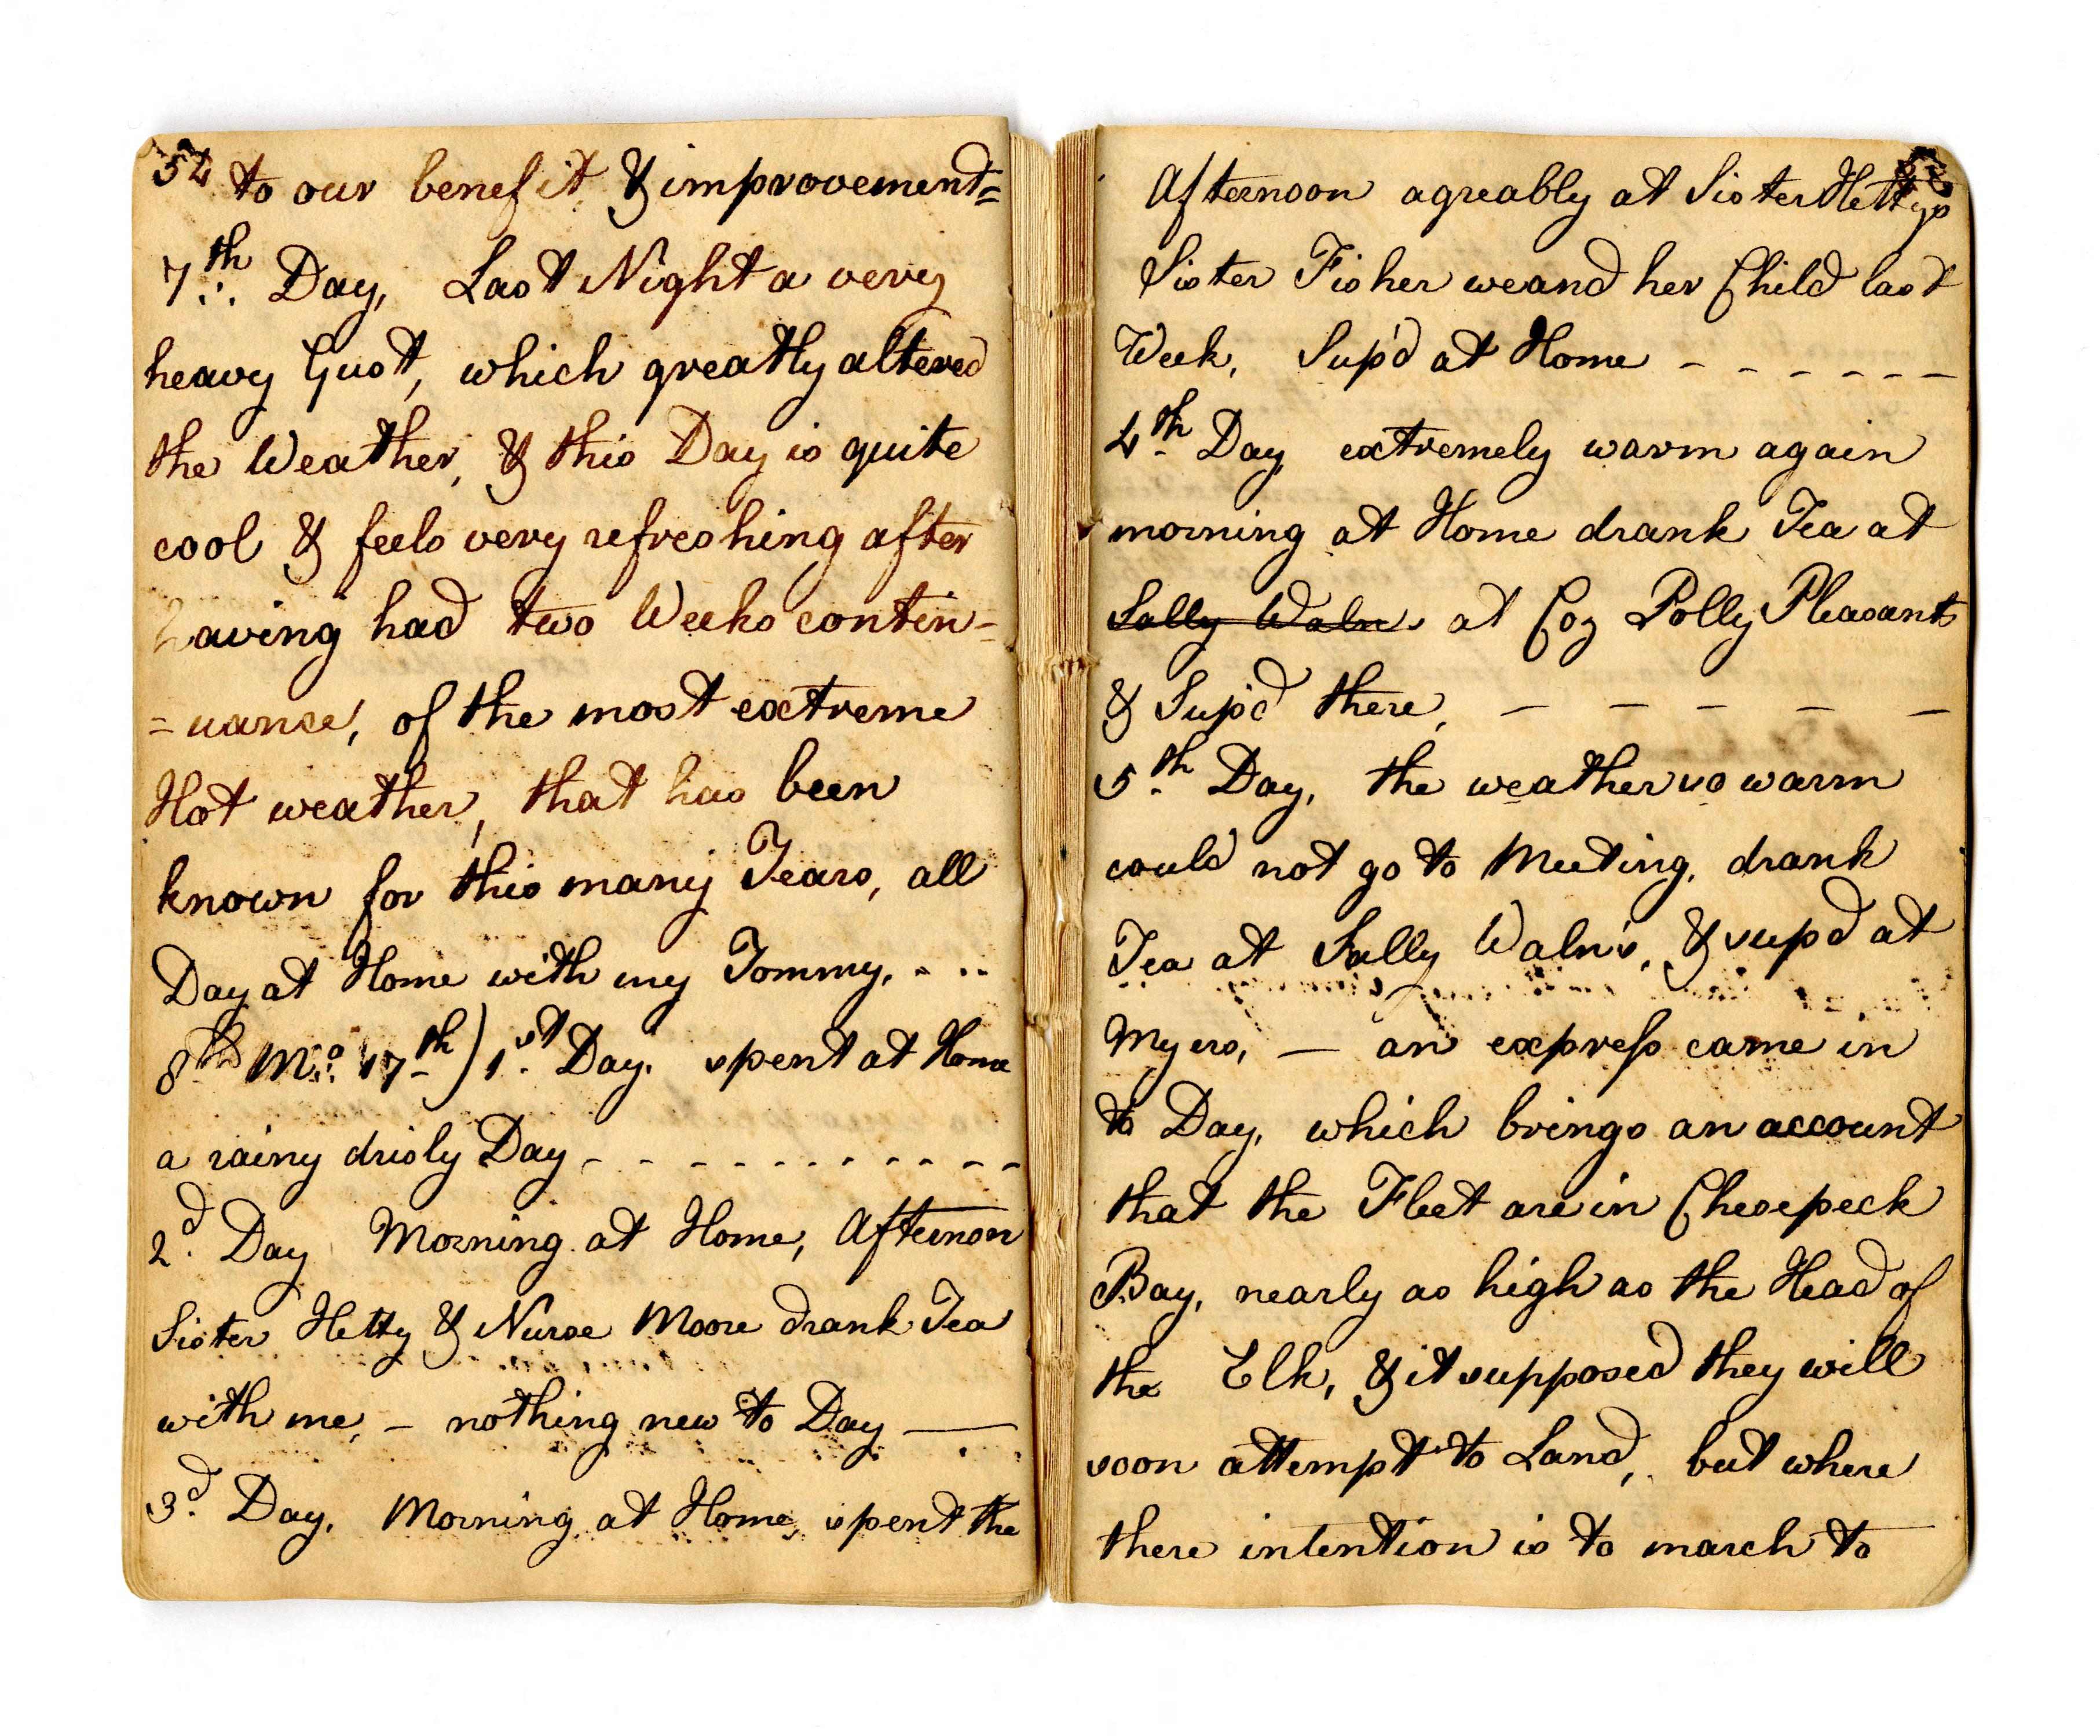to our benefit & improvement-
7^th Day, Last Night a very
heavy Gust, which greatly altered
the Weather, & this Day is quite
cool & feels very refreshing after
having had two Weeks contin-
-uance, of the most extreme
Hot weather, that has been
known for this many Years, all
Day at Home with my Tommy....
8^th M^o 17^th ) 1^st Day. spent at Home
a rainy drisly Day-
2^d Day Morning at Home, Afternoon
Sister Hetty & Nurse Moore drank Tea
with me,- nothing new to Day-
3^d Day. Morning at Home, spent the
Afternoon agreably at Sister Hettys
Sister Fisher weand her Child last
Week, Sup'd at Home-
4^th Day, extremely warm again
morning at Home drank Tea at
[Sally Waln] at Coz Polly Pleasants
& Sup'd there,-
5^th Day, the weather so warm
could not go to Meeting, drank
Tea at Sally Waln's & sup'd at
Myers,- an express came in
to Day, which brings an account
that the Fleet are in Chesepeck
Bay, nearly as high as the Head of
the Elk, & it supported they will
soon attempt to Land, but where
there intention is to march to